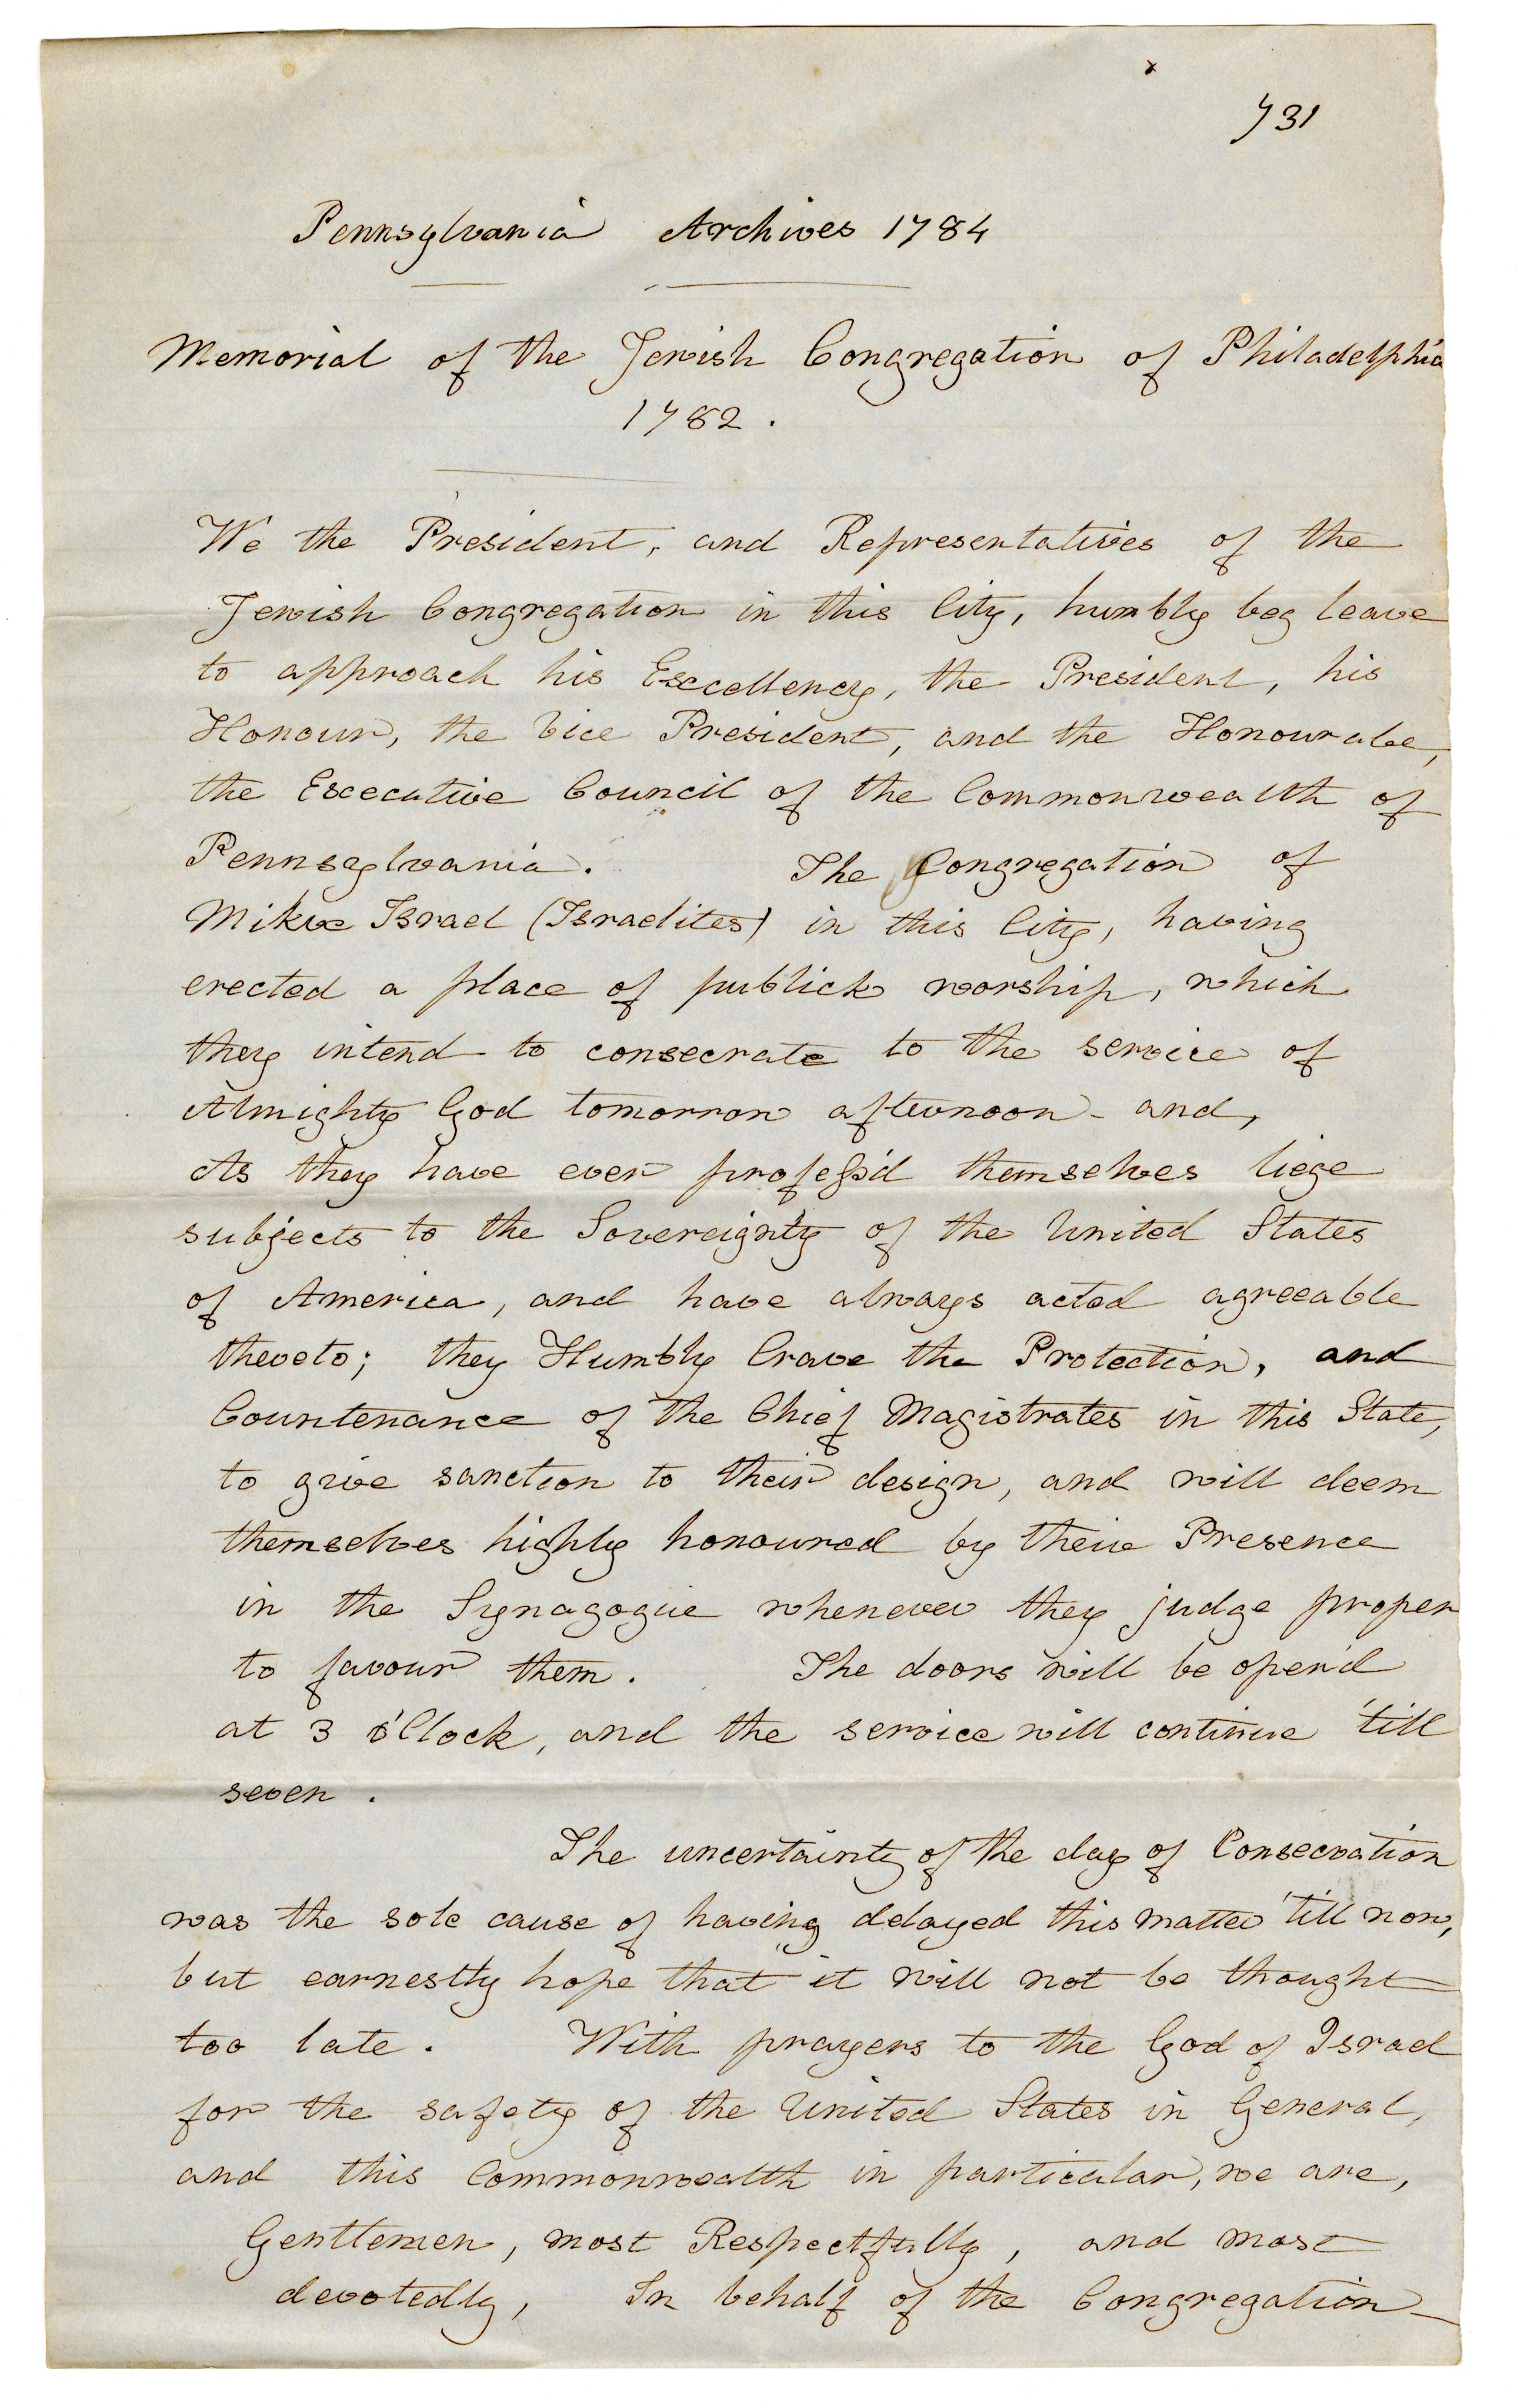Pennsylvania Archives 1784
Memorial of the Jewish Congregation of Philadelphia
1782.
We the President, and Representatives of the
Jewish Congregation in this city, humbly beg leave
to approach his Escellency, the President, his
Honour, the Vice Presidents, and the Honourable,
the Escecutive Council of the Commonwealth of
Pennsylvania.
The Congregation of
Mikve Isreal (Israelites) in this City, having
erected a place of publick worship, which
they intend to consecrate to the service of
Almighty God tomorrow afternoon, and
As they have ever professed themselves liege
subjects to the Sovereignty of the United States
of America, and have always acted agreeable
thereto; they Humble crave the Protection, and
Countenance of the Chief Magistrates in this State,
to give sanction to their design, and will deem
themselves highly honoured by their Presence
in the Synagogue whenever they judge proper
to favour them.
The doors will be opened
at 3 o'Clock, and the service will continue 'till
seven.
The uncertainty of the day of Consecration
was the sole cause of having delayed this matter 'till now,
but earnestly hope that it will not be thought
too late. With prayers to the God of Isreal
for the safety of the United States in General,
and this Commonwealth in particular, we are,
Gentlemen, most Respectfully, and most
devotedly, In behalf of the congregation
731